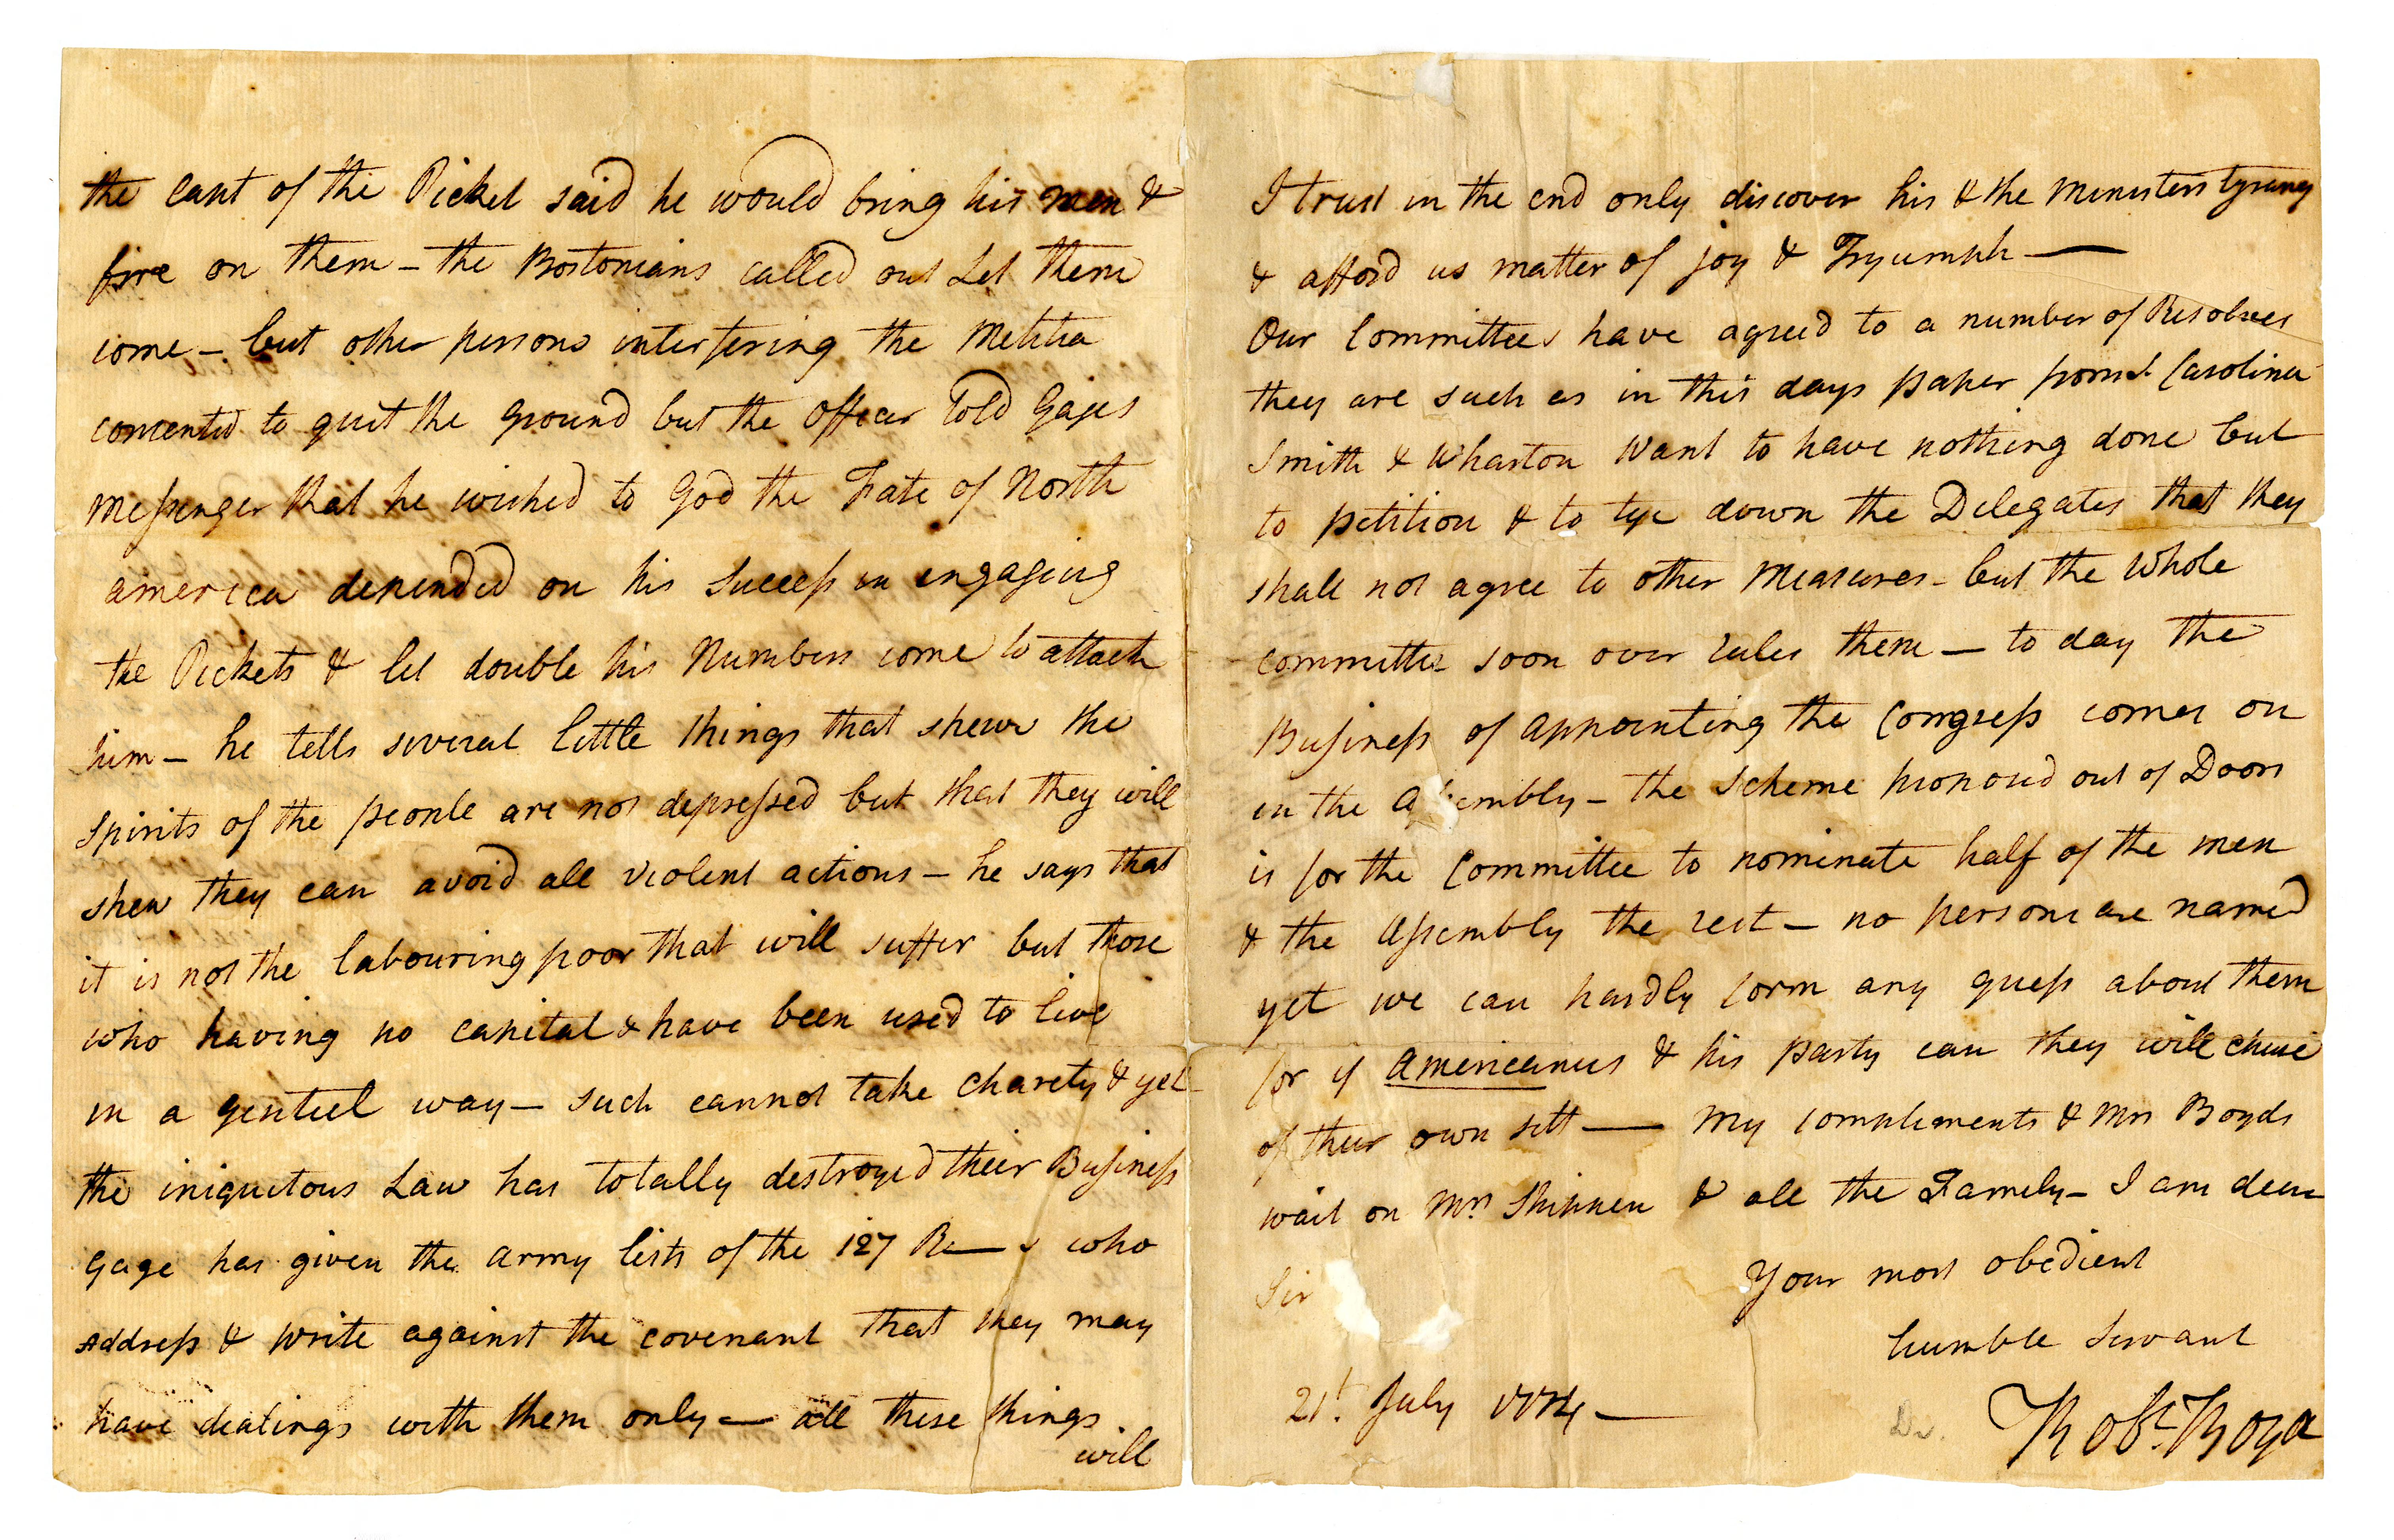the Cant of the Picket said he would bring his men &
fire on them- the Bostonians called out Let them
come-. but other persons interfering the Militia
comented to quit the ground but the Officer told Gages
messenger that he wished to God the Fate of North
America depended on his success in engaging
the Pickets & let double his Number come to attack
him- he tells several little things that shewe the
spirits of the people are not depressed but that they will
shew they can avoid all violent actions- he says that
it is not the labouring poor that will suffer but those
who having no capital & have been used to live
in a genteel way- such cannot take charity & yet
the iniquitous Law has totally destroyed their Business
Gage has given the army lists of the 127 R-s who
Address & write against the covenant that they may
have dealings with them only- all these things.
will
I trust in the end only discover his & the Ministers tyrany
& afford us matter of joy & Tryumph-
Our Committees have agreed to a number of Resolves
they are such as in this days paper from S. Carolina
Smith & Wharton Want to have nothing done but
to petition & to tye down the Delegates that they
shall not agree to other Measures- but the whole
committee soon over rules them- to day the
Business of appointing the Congress comes on
in the Assembly- The scheme proposed out of Doors
is for the Committee to nominate half of the men
& the Assembly the rest- no persons are named
yet we can hardly form any ques about them
for if Americanus & his party can they will [choose]
of their own sett- My compliments & M^r Boyds
wait on M^rs. Shippen & all the Family-
I am dear
Sir
Your most obedient
humble Servant
Dr.
Rob^t. Boyd
21^t. July 1774-